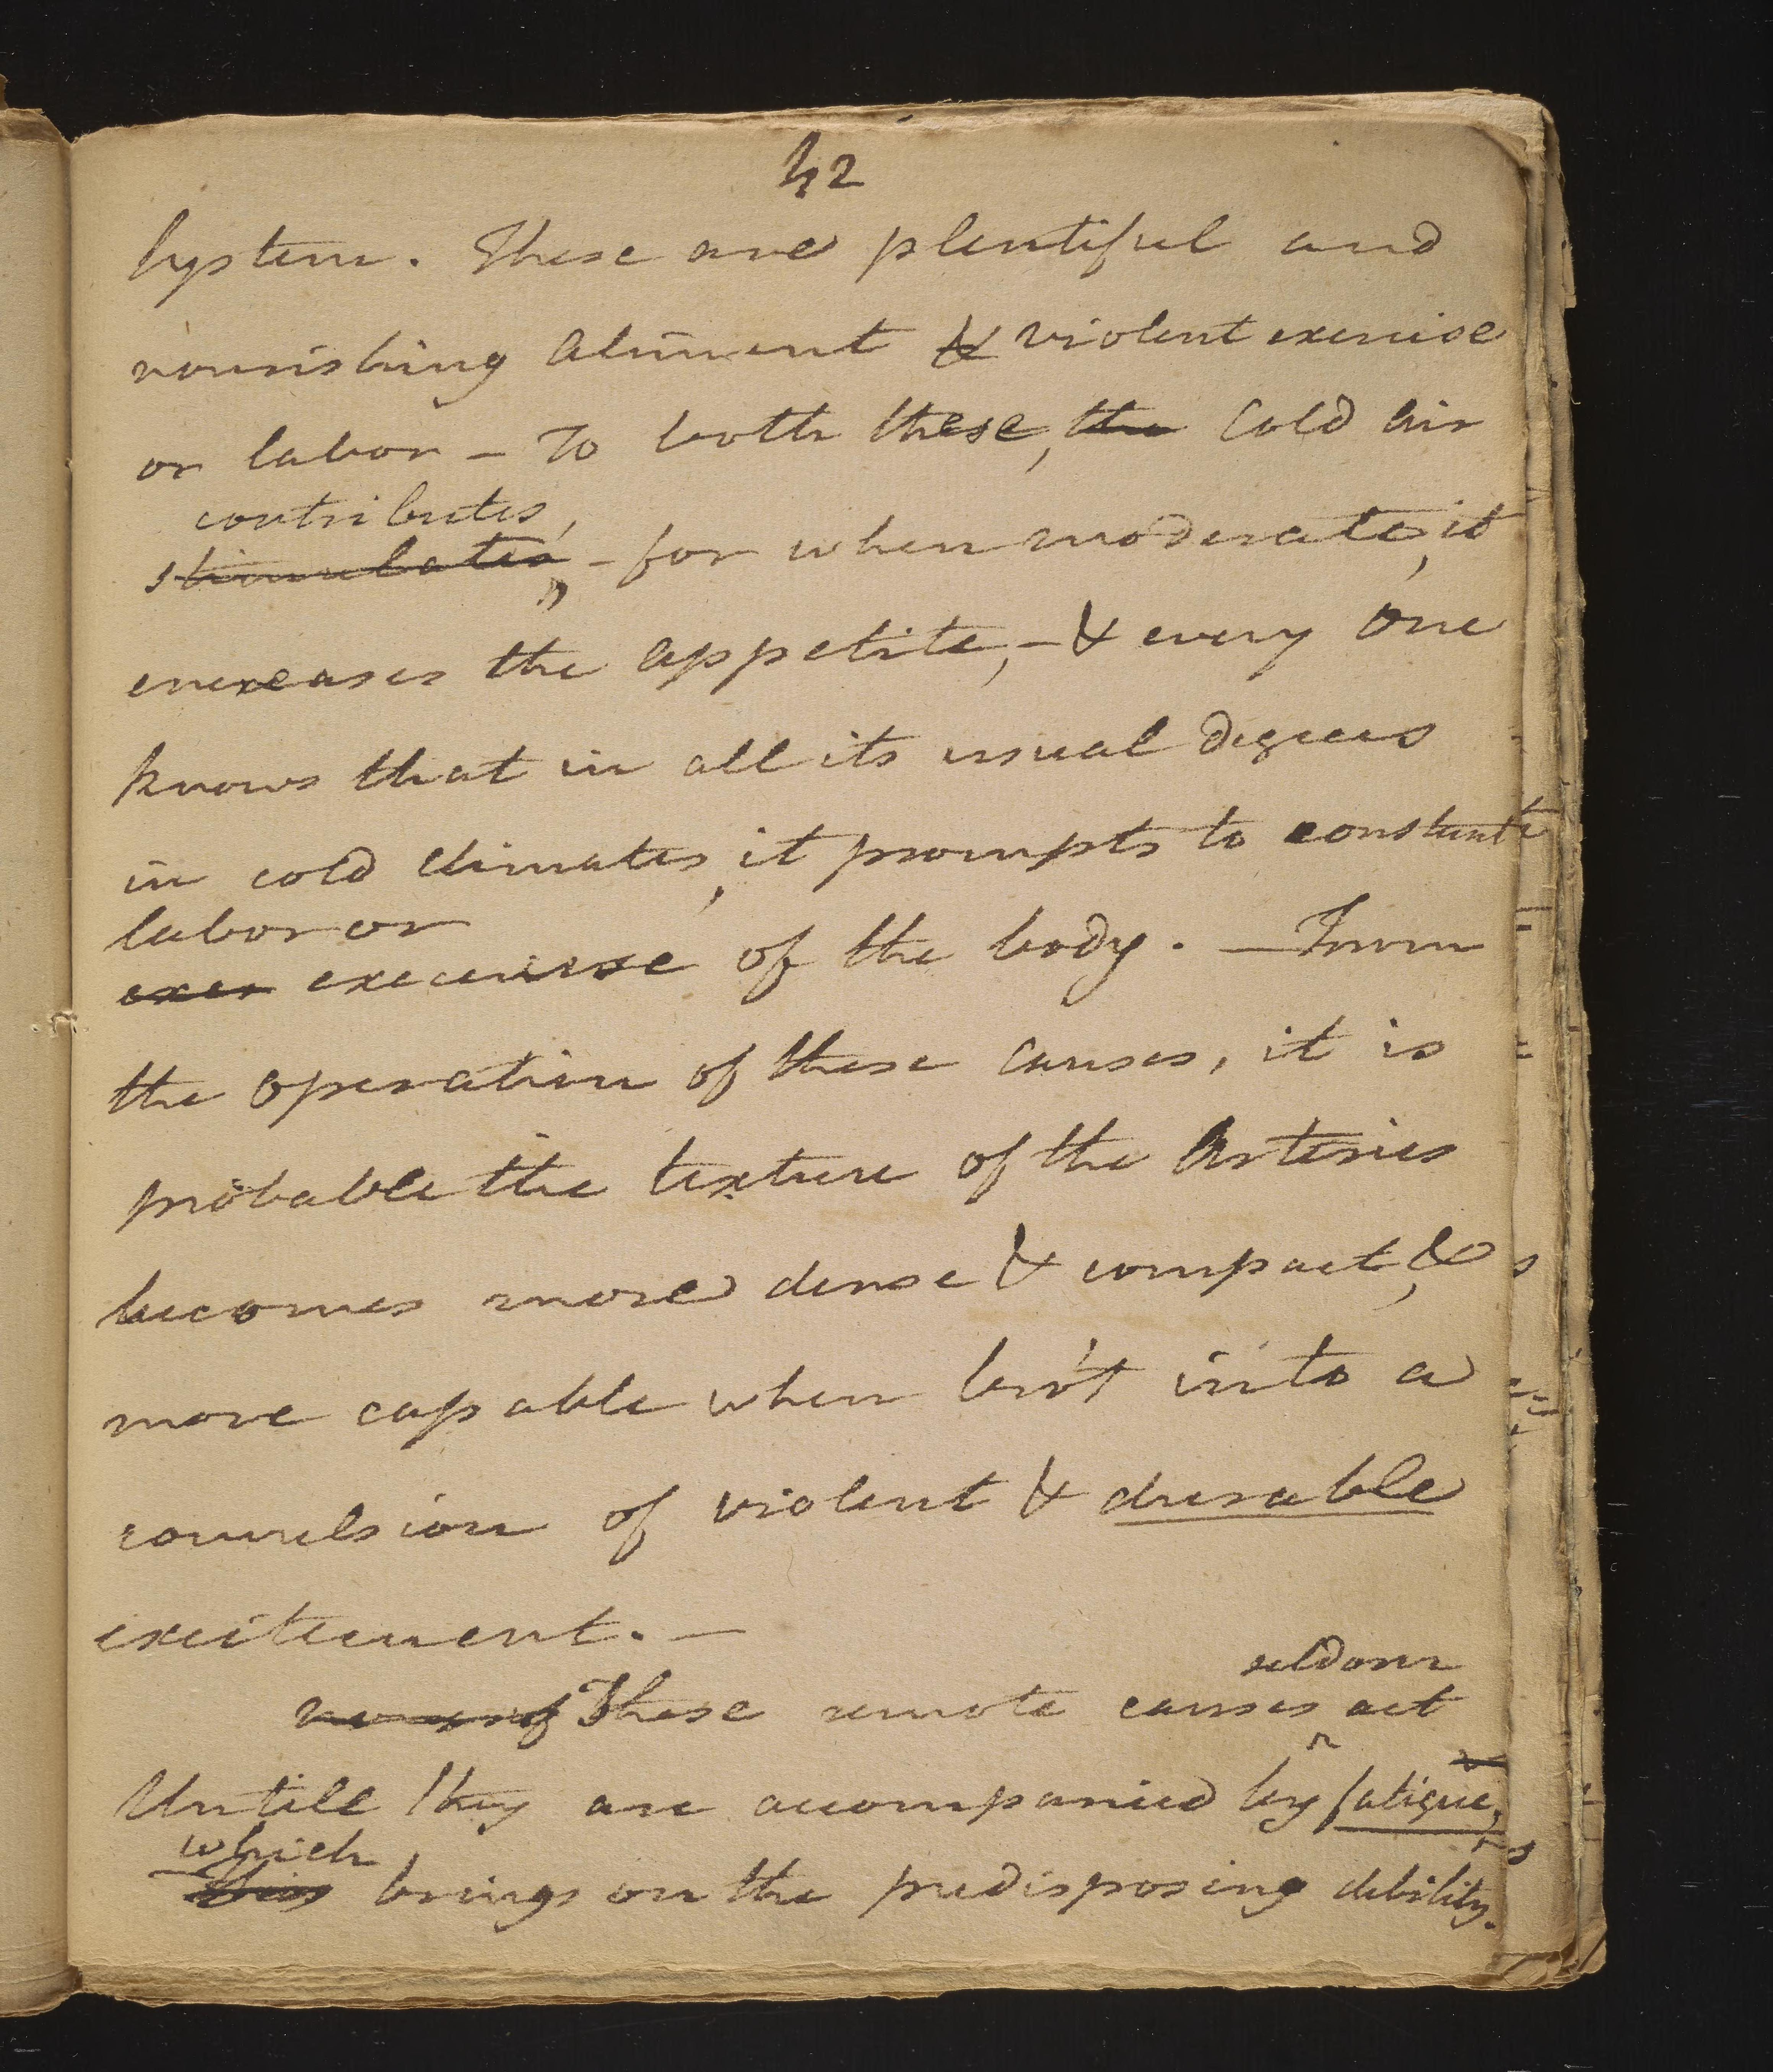42
system. These are plentiful and
vanishing aliment & violent exercise
or labor, to both these, [the] cold air
contributes
[stimulates]- for when moderate, it
encreases the appetite,- & every one
knows that in all its usual degrees
in cold climates, it prompts to constant
labor or
exercise of the body. From
the operation of these causes, it is
notable the texture of the Arteries
becomes more dense & compact &
more capable whe bro't into a
convulsion of violent & durable
excitement.
seldom
[_______] These remote causes ^ act
Untill they are acompanied by fatigue,
which
which brings on the predisposing debility.